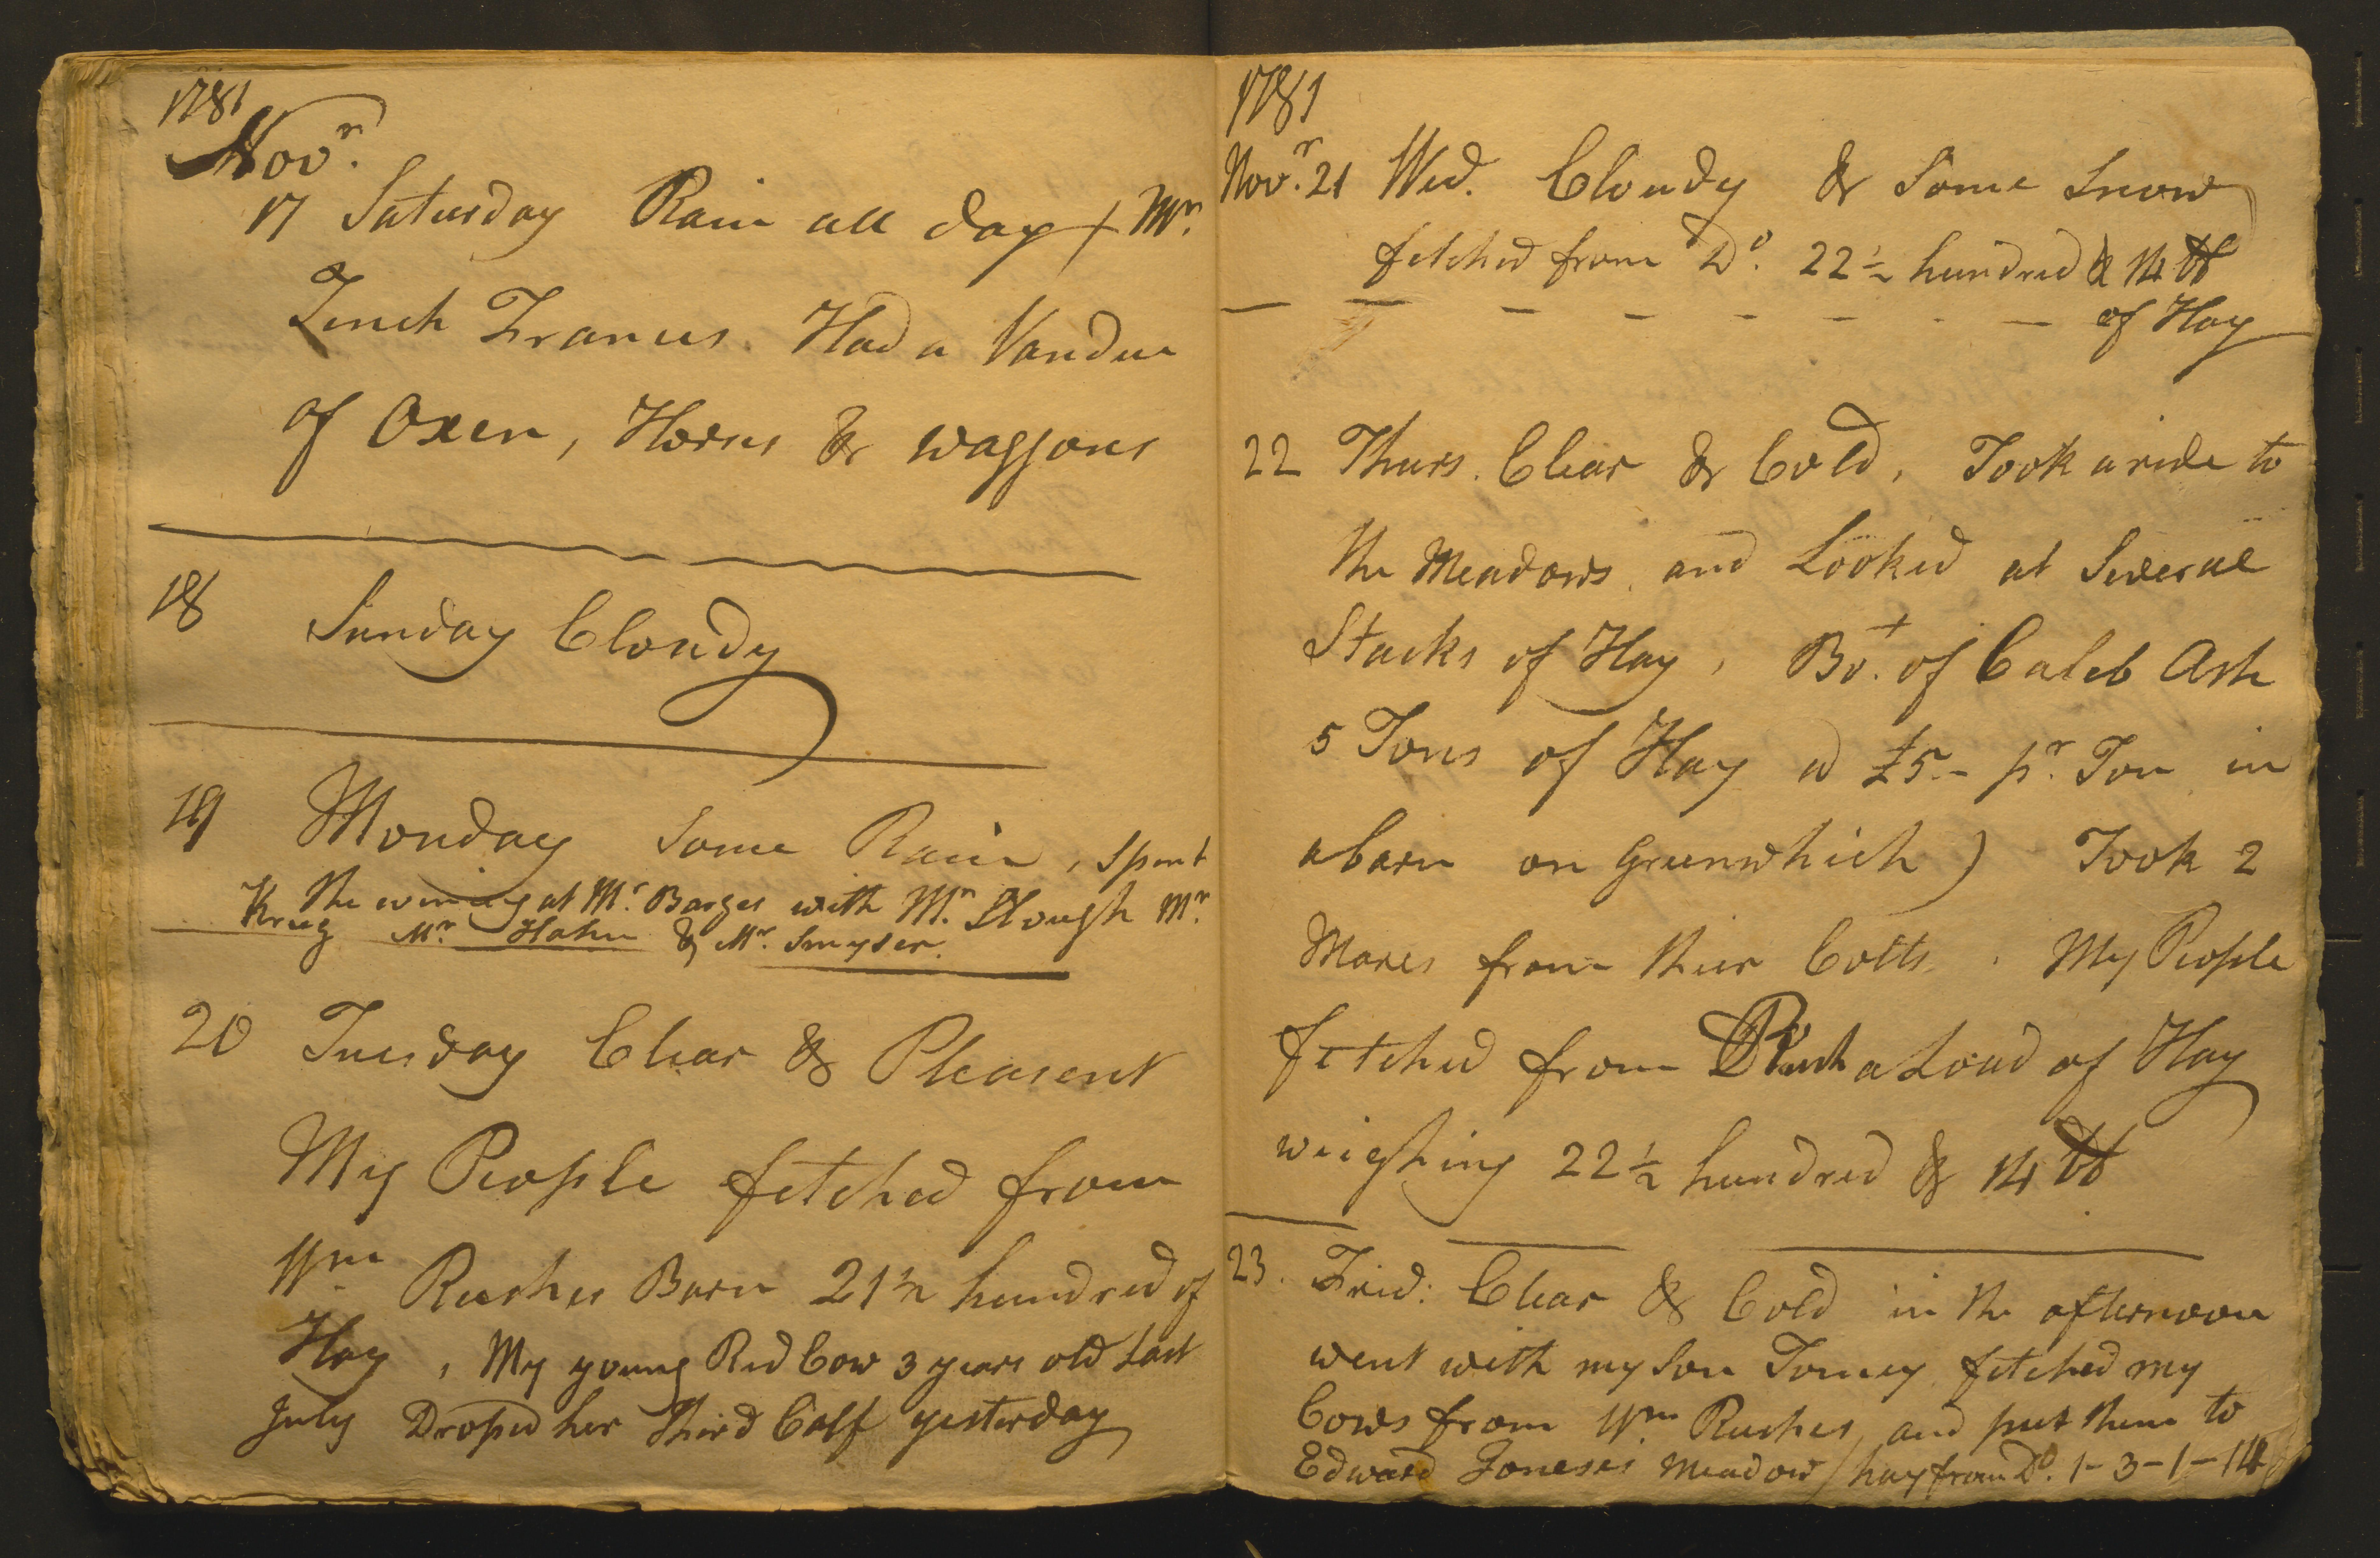1781
Nov^r.
17 Saturday Rain all day, M^r.
Tench Frances Had a Vandue
of Oxen, Horses & waggons
18 Sunday Cloudy
19 Monday some Rain, spent
the evening at M^r. Barges with M^r. Slough M^r.
Krug M^r. Hahn & M^r. Smyser
20 Tuesday Clear & Pleasent
My People fetched from
W^m. Rushes Barn 21 1/2 hundred of
Hay, My young Red Cow 3 years old Last
Joley Droped her Third Calf yesterday
1781
Nov^r. 21 Wed. Cloudy & some snow
fetched from D^o. 22 1/2 hundred & 14 lb
of Hay
22 Thurs. Clear & Cold, Took a ride to
the Meadows and Looked at Several
Stacks of Hay. Bo^t. of Caleb Ash
5 Tons of Hay @ £5. p^r. Ton in
a barn on Greenwhich) Took 2
Mares from their Colts. My People
fetched from Pluch a Load of Hay
deighing 22 1/2 hundred & 14 lb
23. Frid. Clear & Cold in the afternoon
went with my son Tomey fetched my
Cows from W^m Rushes, and put them to
Edward Joneses meadow hay from D^o. 1-3-1-14